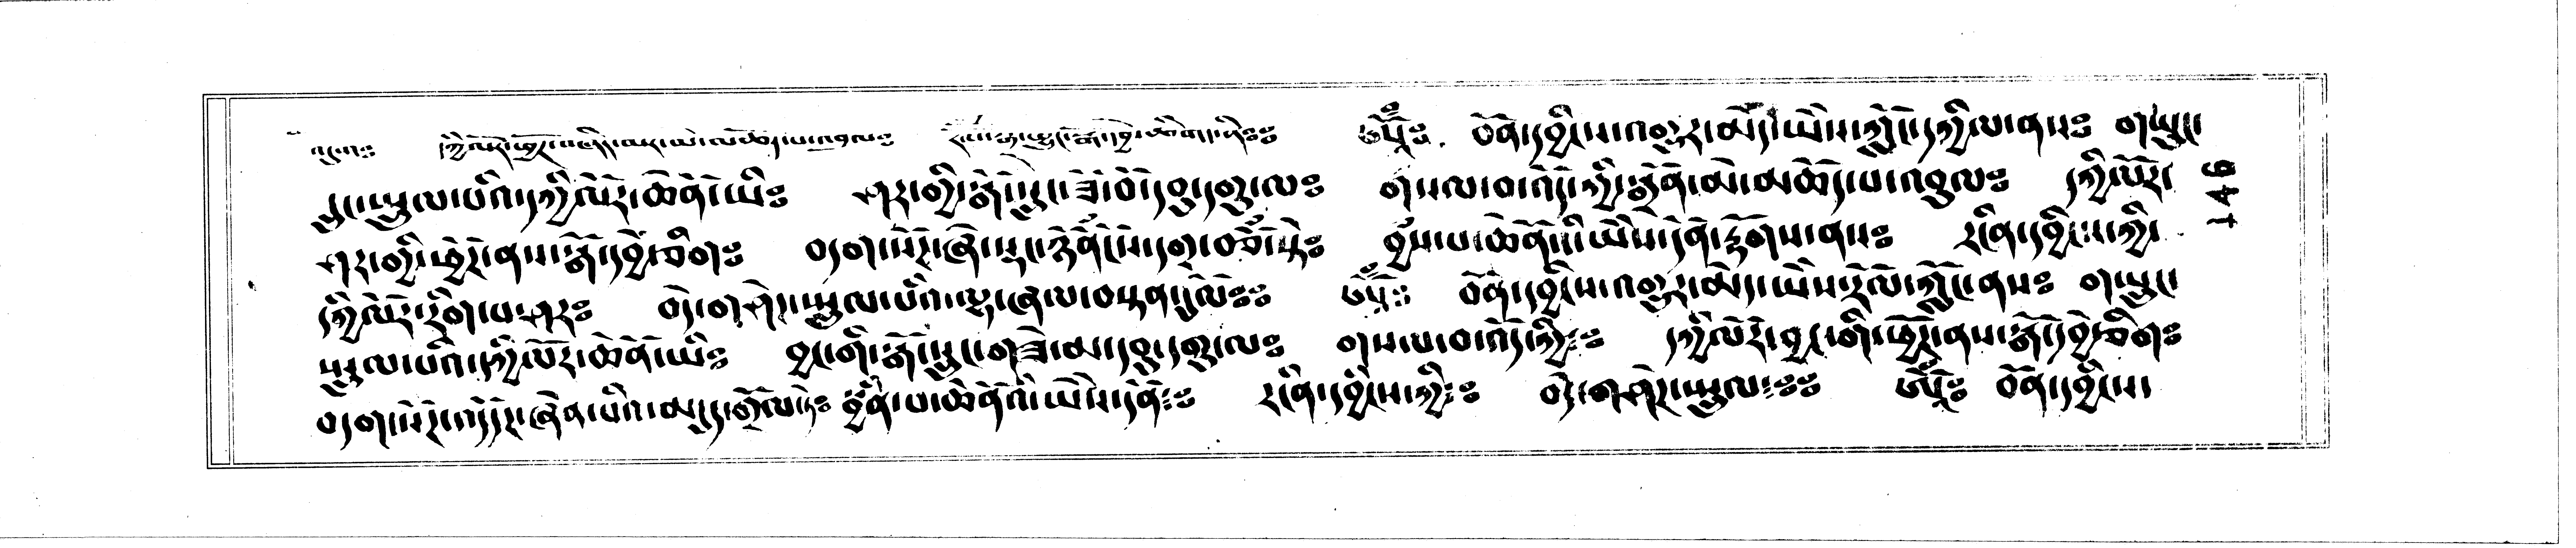འདུགཿ དཀྱིལ་འཁོར་ཕྱོགས་བཞིར་མར་མེ་མཆོད་པ་འབུལཿ རོལ་མོ་སྒྲ་ཕྱུང་སྒོ་དབྱེ་ཚིག་བཤད་ནིཿ ཨཱོྃཿ བོན་དབྱིངས་འགྱུར་མེད་ཡེ་ཤེས་ཀློང་དཀྱིལ་ནསཿ གཡུང་
དྲུང་སྤྲུལ་པའི་དཀྱིལ་འཁོར་ཆེན་པོ་ཡིཿ ཤར་གྱི་སྒོ་སྲུང་ཟོ་བོ་དབུ་དགུ་ལཿ གསལ་བ་འོད་ཀྱི་སྒྲོན་མེ་མཆོད་པ་འབུལཿ དཀྱིལ་འཁོར་
ཤར་གྱི་ཕྱོགས་ནས་སྒོ་དབྱེ་ཅིགཿ བདག་སོགས་ཞེ་སྡང་ཉོན་མོངས་དགྲ་བཅོམ་སྟེཿ བྱམས་པ་ཆེན་པོའི་ཡེ་ཤེས་དོན་རྟོགས་ནསཿ རང་བཞིན་དབྱིངས་ཀྱི་
དཀྱིལ་འཁོར་རིག་པ་ཤརཿ བདེར་གཤེགས་སྤྲུལ་པའི་ལྷ་ཞལ་བསྟན་དུ་གསོལཿ ཨཱོྃཿ བོན་དབྱིངས་འགྱུར་མེད་ཡེ་ཤེས་རོལ་ཀློང་ནསཿ གཡུང་དྲུང་
སྤྲུལ་པའི་དཀྱིལ་འཁོར་ཆེན་པོ་ཡིཿ བྱང་གི་སྒོ་སྲུང་གཟེ་མ་དབུ་དགུ་ལཿ གསལ་བ་འོད་ཀྱི་སྒྲོན་མེ་མཆོད་པ་འབུལཿ དཀྱིལ་འཁོར་བྱང་གི་ཕྱོགས་ནས་སྒོ་དབྱེ་ཅིགཿ 
བདག་སོགས་འདོད་ཆགས་ཞེན་པའི་བདུད་གྲོལ་ཏེ སྦྱིན་པ་ཆེན་པོའི་ཡེ་ཤེས་དོན་རྟོགས་ནསཿ རང་བཞིན་དབྱིངས་ཀྱི་དཀྱིལ་འཁོར་རིག་པ་ཤརཿ བདེར་གཤེགས་སྤྲུལ་པའི་ལྷ་ཞལ་བསྟན་དུ་གསོལཿ ཨཱོྃཿ བོན་དབྱིངས་